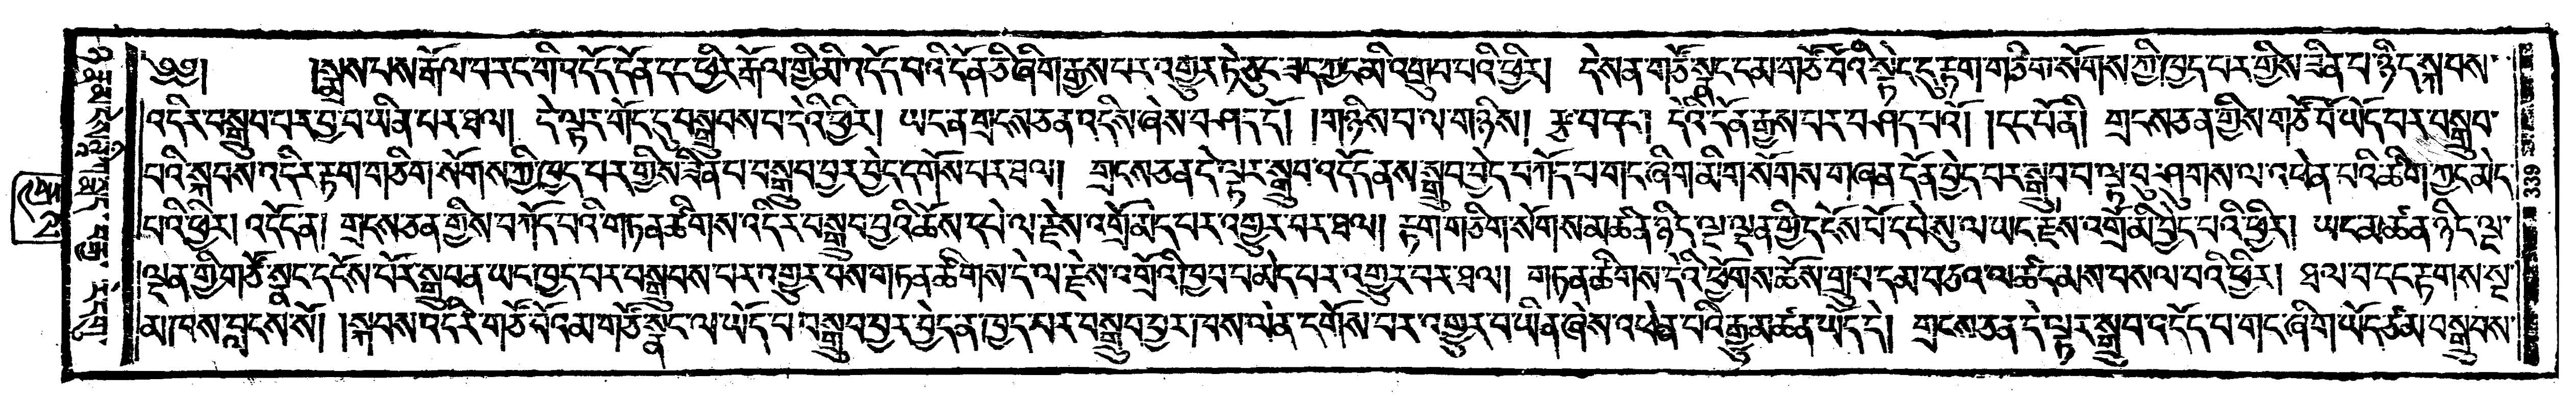༄༅། །སྨྲས་པས་རྒོལ་བ་རང་གི་འདོད་དོན་དང་ཕྱིར་རྒོལ་གྱི་མི་འདོད་པའི་དོན་ཅི་ཞིག་རྒྱས་པར་འགྱུར་ཏེ་ཅུང་ཟད་ཀྱང་མི་འགྲུབ་པའི་ཕྱིར། དེས་ན་གཙོ་སྣང་དམ་གཙོ་བོའི་སྟེང་དུ་རྟག་གཅིག་སོགས་ཀྱི་ཁྱད་པར་གྱིས་ཟིན་པ་ཉིད་སྐབས་
འདིར་བསྒྲུབ་པར་བྱ་བ་ཡིན་པར་ཐལ། དེ་ལྟར་གོང་དུ་བསྒྲུབས་པ་དེའི་ཕྱིར། ཡང་ན་གྲངས་ཅན་འདིས་ཞེས་བཤད་དོ། །གཉིས་པ་ལ་གཉིས། རྩ་བ་དང་། དེའི་དོན་རྒྱས་པར་བཤད་པའོ། །དང་པོ་ནི། གྲངས་ཅན་གྱིས་གཙོ་བོ་ཡོད་པར་བསྒྲུབ་
པའི་སྐབས་འདིར་རྟགས་གཅིག་སོགས་ཀྱི་ཁྱད་པར་གྱིས་ཟིན་པ་བསྒྲུབ་བྱར་བྱེད་དགོས་པར་ཐལ། གྲངས་ཅན་དེ་ལྟར་སྒྲུབ་འདོད་ནས་སྒྲུབ་བྱེད་བཀོད་པ་གང་ཞིག་མིག་སོགས་གཞན་དོན་བྱེད་པར་སྒྲུབ་པ་ལྟ་བུ་ཤུགས་ལ་འཕེན་པའི་ཚིག་ཀྱང་མེད་
པའི་ཕྱིར། འདོད་ན། གྲངས་ཅན་གྱིས་བཀོད་པའི་གཏན་ཚིགས་འདིར་བསྒྲུབ་བྱའི་ཆོས་དཔེ་ལ་རྗེས་འགྲོ་མེད་པར་འགྱུར་བར་ཐལ། རྟག་གཅིག་སོགས་མཚན་ཉིད་ལྔ་ལྡན་གྱི་དངོས་པོ་དཔེ་སུ་ལ་ཡང་རྗེས་འགྲོ་མི་བྱེད་པའི་ཕྱིར། ཡང་མཚན་ཉིད་ལྔ་
ལྡན་གྱི་གཙོ་སྣང་དངོས་པོར་སྒྲུབ་ན་ཡང་ཁྱད་པར་བསྒྲུབས་པར་འགྱུར་བས་གཏན་ཚིགས་དེ་ལ་རྗེས་འགྲོའི་ཁྱབ་པ་མེད་པར་འགྱུར་བར་ཐལ། གཏན་ཚིགས་དེའི་ཕྱོགས་ཆོས་གྲུབ་དམ་བཅའ་ལ་ཚད་མས་བསལ་བའི་ཕྱིར། ཐལ་བ་དང་རྟགས་སྔ་
མཁས་བླངས་སོ། །སྐབས་འདིར་གཙོ་བོའམ་གཙོ་སྣང་ལ་ཡོད་པ་བསྒྲུབ་བྱར་བྱེད་ན་ཁྱད་པར་བསྒྲུབ་བྱར་ཁས་ལེན་དགོས་པར་འགྱུར་པ་ཡིན་ཞེས་འཕེན་པའི་རྒྱུ་མཚན་ཡོད་དེ། གྲངས་ཅན་དེ་ལྟར་སྒྲུབ་འདོད་པ་གང་ཞིག་ཡོད་ཙམ་བསྒྲུབས་